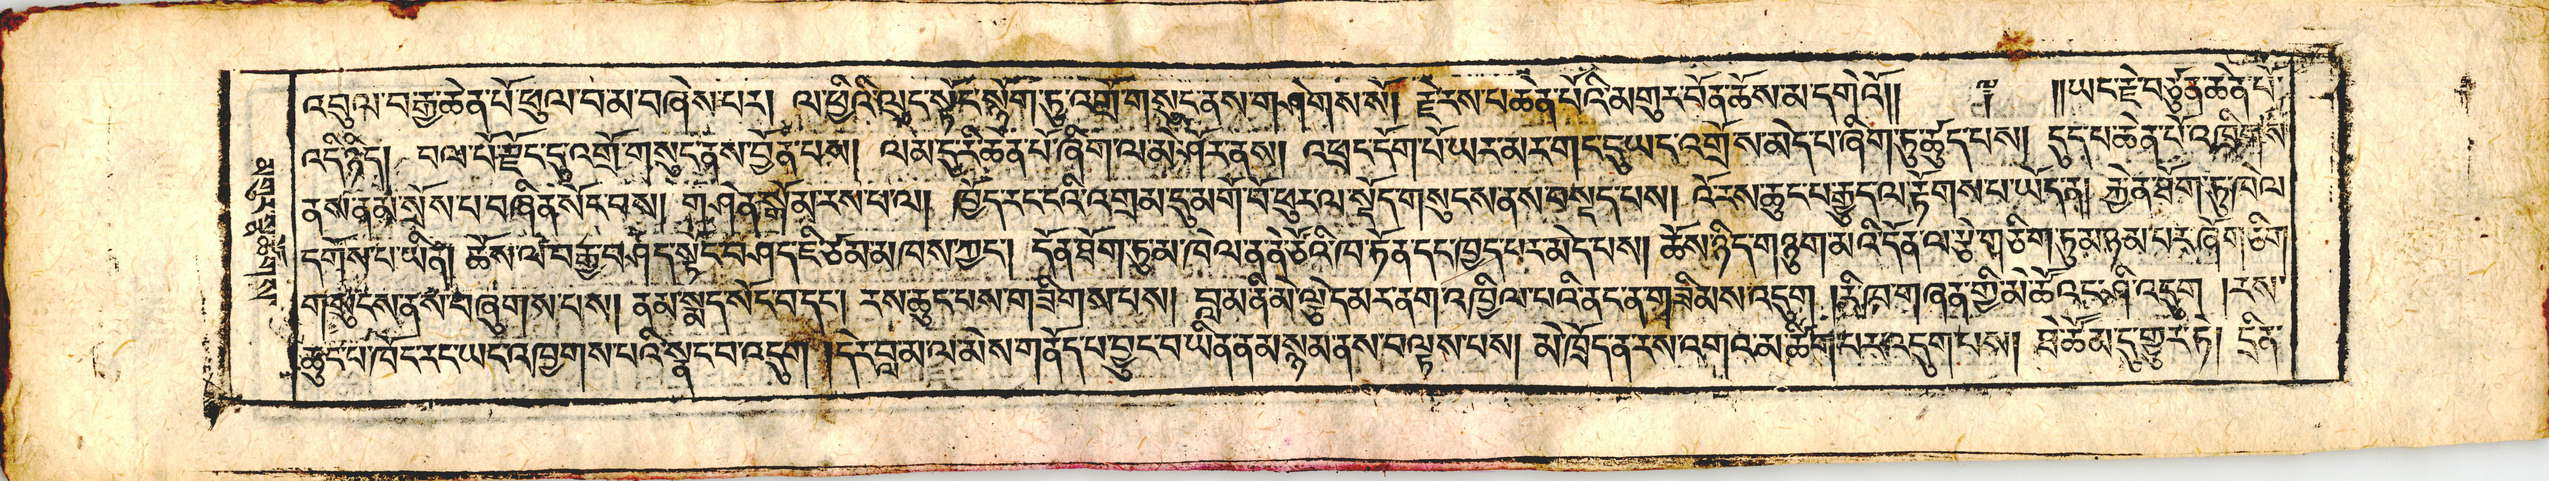འབུལ་བ་རྒྱ་ཆེན་པོ་ཕུལ་བ་མ་བཞེས་པར། ལ་ཕྱིའི་ལུད་སྟོང་སྙོག་ཏུ་འགྲོ་གསུང་ནས་གཤེགས་སོ། །རྗེ་རས་པ་ཆེན་པོའི་མགུར་བོན་ཆོས་མ་དགེའོ།། ༈ །།ཡང་རྗེ་བཙུན་ཆེན་པོ་
འདི་ཉིད། བལ་པོ་རྫོང་དུ་འགྲོ་གསུང་ནས་བྱོན་པས། ལམ་དུ་རི་ཆེན་པོ་ཞིག་ལ་མེ་ཤོར་ནས། འཕྲང་དོག་པོ་ཡར་མར་གང་དུ་ཡང་འགྲོ་ས་མེད་པ་ཞིག་ཏུ་ཚུད་པས། དུད་པ་ཆེན་པོ་འཁྲིག་
ནས་ནམ་སྲོས་པ་བཞིན་སོང་བས། གཤེན་སྒོམ་རས་པ་ལ། ཁྱོད་རང་ངའི་འགྲམ་དུ་མགོ་བོ་ཕུར་ལ་སྡོད་གསུངས་ནས་བསྡད་པས། འོ་རས་ཆུང་བ་རྒྱུད་ལ་རྟོགས་པ་ཡོད་། རྐྱེན་ཐོག་ཏུ་ཁེལ་
དགོས་པ་ཡིན། ཆོས་ལ་བརྒྱ་བཤད་སྟོང་བཤད་ཇི་ཙམ་མཁས་ཀྱང་། དོན་ཐོག་ཏུ་མ་ཁེལ་ན་ནེ་ཙོའི་ཁ་ཏོན་དང་ཁྱད་པར་མེད་པས། ཆོས་ཉིད་གཉུག་མའི་དོན་ལ་རྩེ་གཅིག་ཏུ་མཉམ་པར་ཞོག་ཅིག་
གསུངས་ནས་བཞུགས་པས། ནམ་སྨད་སོང་བ་དང་། རས་ཆུང་བས་གཟིགས་པས། བླ་མ་ནི་མེ་ལྕེ་དམར་ནག་འཁྱིལ་པའི་ནང་ན་གཟིམས་འདུག །རི་ཁ་གཞན་གྱི་མེ་ཚོའང་ཤི་འདུག །རས་
ཆུང་པ་ཁོང་རང་ཡང་འཁྱགས་པའི་སྣང་བ་འདུག་དེར་བླ་མ་ལ་མེས་གནོད་པ་བྱུང་བ་ཡིན་ནམ་སྙམ་ནས་བལྟས་པས། མེ་ཁྲོད་ན་རས་འགའ་མ་ཚིག་པར་འདུག་པས། ཐེ་ཚོམ་དུ་གྱུར་ཏེ། དྲིན་